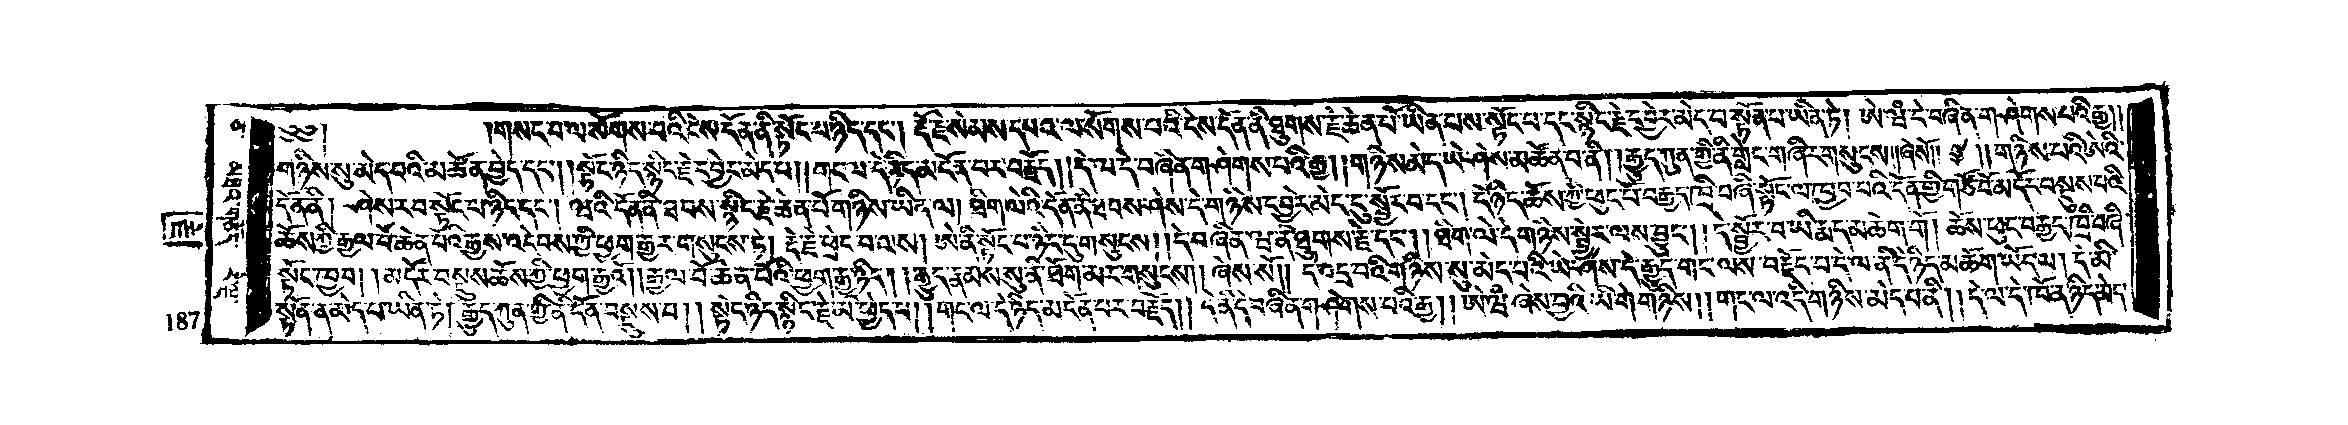༄༅། །གསང་བ་ལ་སོགས་པའི་ངེས་དོན་ནི་སྟོང་པ་ཉིད་དང་། རྡོ་རྗེ་སེམས་དཔའ་ལ་སོགས་པའི་ངེས་དོན་ནི་ཐུགས་རྗེ་ཆེན་པོ་ཡིན་པས་སྟོང་པ་དང་སྙིང་རྗེ་དབྱེར་མེད་པ་སྟོན་པ་ཡིན་ཏེ། ཨེ་ཝཾ་དེ་བཞིན་གཤེགས་པའི་རྒྱུ།།
གཉིས་སུ་མེད་པའི་མཚོན་བྱེད་དང་། །སྟོང་ཉིད་སྙིང་རྗེ་དབྱེར་མེད་པ། །གང་ལ་དེ་ཉིད་མངོན་པར་བརྗོད། །དེ་ལ་དེ་བཞིན་གཤེགས་པའི་རྒྱ། །གཉིས་མེད་ཡེ་ཤེས་མཚོན་པ་ནི། །རྒྱུད་ཀུན་གྱི་ནི་གླེང་གཞིར་གསུངས། །ཞེས་སོ།། ༈ །།གཉིས་པའི་ཨེའི་
དོན་ནི། ཤེས་རབ་སྟོང་པ་ཉིད་དང་། ཝའི་དོན་ནི་ཐབས་སྙིང་རྗེ་ཆེན་པོ་གཉིས་ཡིན་ལ། ཐིག་ལེའི་དོན་ནི་ཐབས་ཤེས་དེ་གཉིས་དབྱེར་མེད་དུ་སྦྱོར་བ་དང་། དེ་ཉིད་ཆོས་ཀྱི་ཕུང་པོ་བརྒྱད་ཁྲི་བཞི་སྟོང་ལ་ཁྱབ་པའི་དོན་གྱི་གཙོ་བོ་མདོར་བསྡུས་པའི་
ཆོས་ཀྱི་རྒྱལ་པོ་ཆེན་པོའི་རྒྱས་འདེབས་ཀྱི་ཕྱག་རྒྱར་གསུངས་ཏེ། རྡོ་རྗེ་ཕྲེང་བ་ལས། ཨེ་ནི་སྟོང་པ་ཉིད་དུ་གསུངས། །དེ་བཞིན་ཝ་ནི་ཐུགས་རྗེ་དང་། །ཐིག་ལེ་དེ་གཉིས་སྦྱོར་ལས་བྱུང་། །དེ་སྦྱོར་བ་ཡི་རྨད་མཆོག་གོ །ཆོས་ཕུང་བརྒྱད་ཁྲི་བཞི་
སྟོང་ཁྱབ། །མདོར་བསྡུས་ཆོས་ཀྱི་ཕྱག་རྒྱའོ། །རྒྱལ་པོ་ཆེན་པོའི་ཕྱག་རྒྱ་ཉིད། །རྒྱུད་རྣམས་སུ་ནི་ཐོག་མར་གསུངས། །ཞེས་སོ། །དེ་འདྲ་བའི་གཉིས་སུ་མེད་པའི་ཡེ་ཤེས་དེ་རྒྱུད་གང་ལས་བརྗོད་པ་དེ་ལ་ནི་དེ་ཉིད་མཆོག་ཡོད་ལ། དེ་མི་
སྟོན་ན་མེད་པ་ཡིན་ཏེ། རྒྱུད་ཀུན་གྱི་ནི་དོན་བསྡུས་པ། །སྟོང་ཉིད་སྙིང་རྗེ་མི་ཕྱེད་པ། །གང་ལ་དེ་ཉིད་མངོན་པར་བརྗོད། །དེ་ནི་དེ་བཞིན་གཤེགས་པའི་རྒྱ། །ཨེ་ཝཾ་ཞེས་བྱའི་ཡི་གེ་གཉིས། །གང་ལ་འདི་གཉིས་མེད་པ་ནི། །དེ་ལ་དེ་ཁོ་ན་ཉིད་མེད།